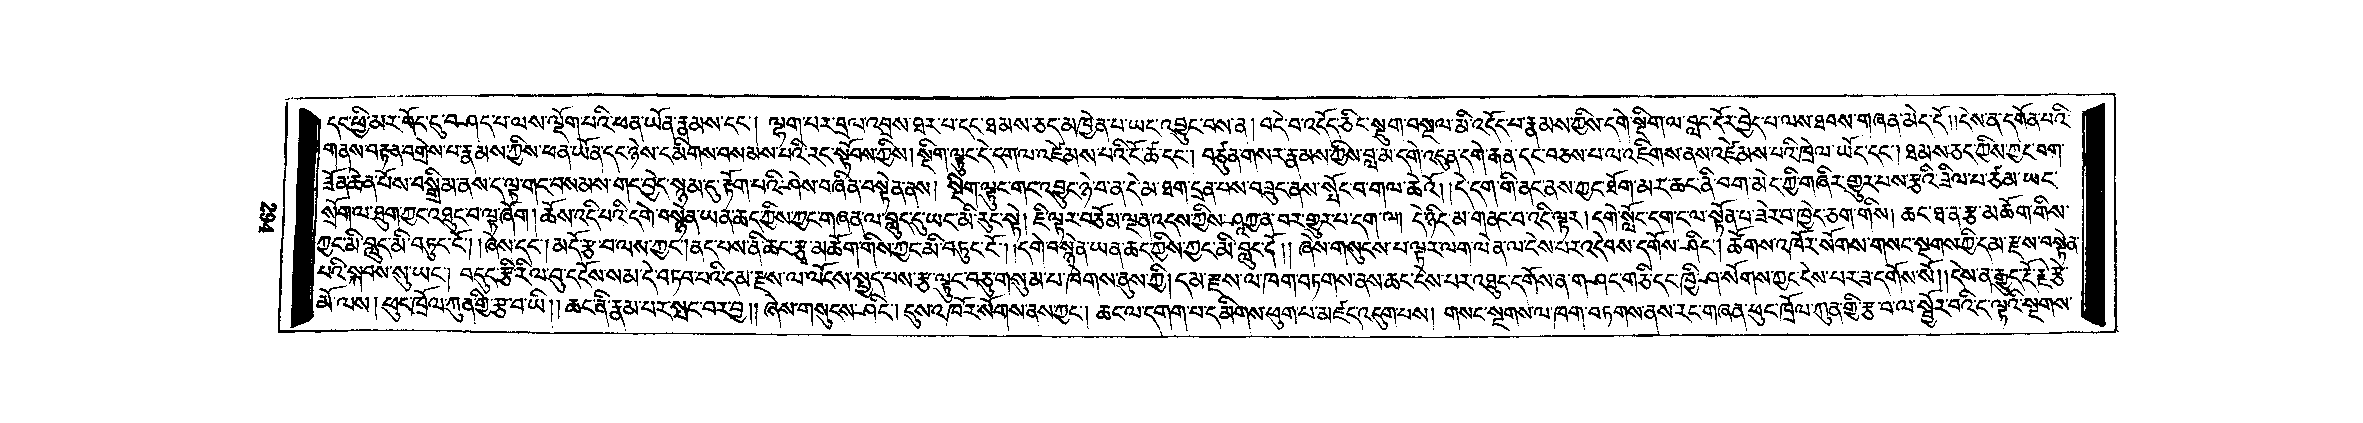དང་ཕྱི་མར་གོང་དུ་བཤད་པ་ལས་ལྡོག་པའི་ཕན་ཡོན་རྣམས་དང་། ལྷག་པར་བྲལ་འབྲས་ཐར་པ་དང་ཐམས་ཅད་མཁྱེན་པ་ཡང་འབྱུང་བས་ན། བདེ་བ་འདོད་ཅིང་སྡུག་བསྔལ་མི་འདོད་པ་རྣམས་ཀྱིས་དགེ་སྡིག་ལ་བླང་དོར་བྱེད་པ་ལས་ཐབས་གཞན་མེད་དོ། །དེས་ན་དགོན་པའི་
གནས་བརྟན་བགྲེས་པ་རྣམས་ཀྱིས་ཕན་ཡོན་དང་ཉེས་དམིགས་བསམས་པའི་རང་སྟོབས་ཀྱིས། སྡིག་ལྟུང་དེ་དག་ལ་འཛེམས་པའི་ངོ་ཚ་དང་། བཙུན་གསར་རྣམས་ཀྱིས་བླ་མ་དགེ་འདུན་དགེ་རྒན་དང་བཅས་པ་ལ་འཇིགས་ནས་འཛེམས་པའི་ཁྲེལ་ཡོད་དང་། ཐམས་ཅད་ཀྱིས་ཀྱང་བག་
ཟོན་ཆེན་པོས་བསྒྲིམ་ནས་ད་ལྟ་གང་བསམས་གང་བྱེད་སྙམ་དུ་རྟོག་པའི་ཤེས་བཞིན་བསྟེན་ནས། སྡིག་ལྟུང་གང་འབྱུང་ཉེ་བ་ན་དེ་མ་ཐག་དྲན་པས་བཟུང་ནས་སྤོང་བ་གལ་ཆེའོ། །དེ་དག་གི་ནང་ནས་ཀྱང་ཐོག་མར་ཆང་ནི་བག་མེད་ཀྱི་གཞིར་གྱུར་པས་རྩའི་ཟིལ་པ་ཙམ་ཡང་
སྲོག་ལ་ཐུག་ཀྱང་འཐུང་བ་ལྟ་ཞོག །ཆོས་འདི་པའི་དགེ་བསྙེན་ཡན་ཆད་ཀྱི་ཀྱང་གཞན་ལ་བླུད་དུ་ཡང་མི་རུང་སྟེ། ཇི་ལྟར་བཅོམ་ལྡན་འདས་ཀྱིས་ཤཱཀྱ་ན་བར་གྱུར་པ་དག་ལ། དེ་ཉིད་མ་གནང་བ་འདི་ལྟར། དགེ་སློང་དག་ང་ལ་སྟོན་པ་ཟེར་བ་ཁྱེད་ཅག་གིས། ཆང་ཐ་ན་རྩ་མཆོག་གིས་
ཀྱང་མི་བླུད་མི་བཏུང་ངོ། །ཞེས་དང་། མདོ་རྩ་བ་ལས་ཀྱང་། ནད་པས་ནི་ཆང་རྩྭ་མཆོག་གིས་ཀྱང་མི་བཏུང་ངོ། །དགེ་བསྙེན་ཡན་ཆད་ཀྱིས་ཀྱང་མི་བླུང་དོ། །ཞེས་གསུངས་པ་ལྟར་ལག་ལེན་ལ་ངེས་པར་འདེབས་དགོས་ཤིང་། ཚོགས་འཁོར་སོགས་གསང་སྔགས་ཀྱི་དམ་རྫས་བསྟེན་
པའི་སྐབས་སུ་ཡང་། བདུད་རྩི་རིལ་བུ་དངོས་སམ་དེ་བཏབ་པའི་དམ་རྫས་ལ་ལོངས་སྤྱད་པས་རྩ་ལྟུང་བཅུ་གསུམ་པ་ཁེགས་ནུས་ཀྱི། དམ་རྫས་ལ་ཁག་བཏགས་ནས་ཆང་ངེས་པར་འཐུང་དགོས་ན་གཤད་གཅི་དང་ཁྱི་ཤ་སོགས་ཀྱང་ངེས་པར་ཟ་དགོས་སོ། །དེས་ན་རྒྱུད་རྡོ་རྗེ་རྩེ་
མོ་ལས། ཕུང་ཁྲོལ་ཀུན་གྱི་རྩ་བ་ཡི། །ཆང་ནི་རྣམ་པར་སྤང་བར་བྱ། །ཞེས་གསུངས་ཤིང་། དུས་འཁོར་སོགས་ནས་ཀྱང་། ཆང་ལ་དགག་པ་དམིགས་ཕུག་པ་མཛད་འདུག་པས། གསང་སྔགས་ལ་ཁག་བཏགས་ནས་རང་གཞན་ཕུང་ཁྲོལ་ཀུན་གྱི་རྩ་བ་ལ་སྦྱོར་བའི་ད་ལྟའི་སྔགས་